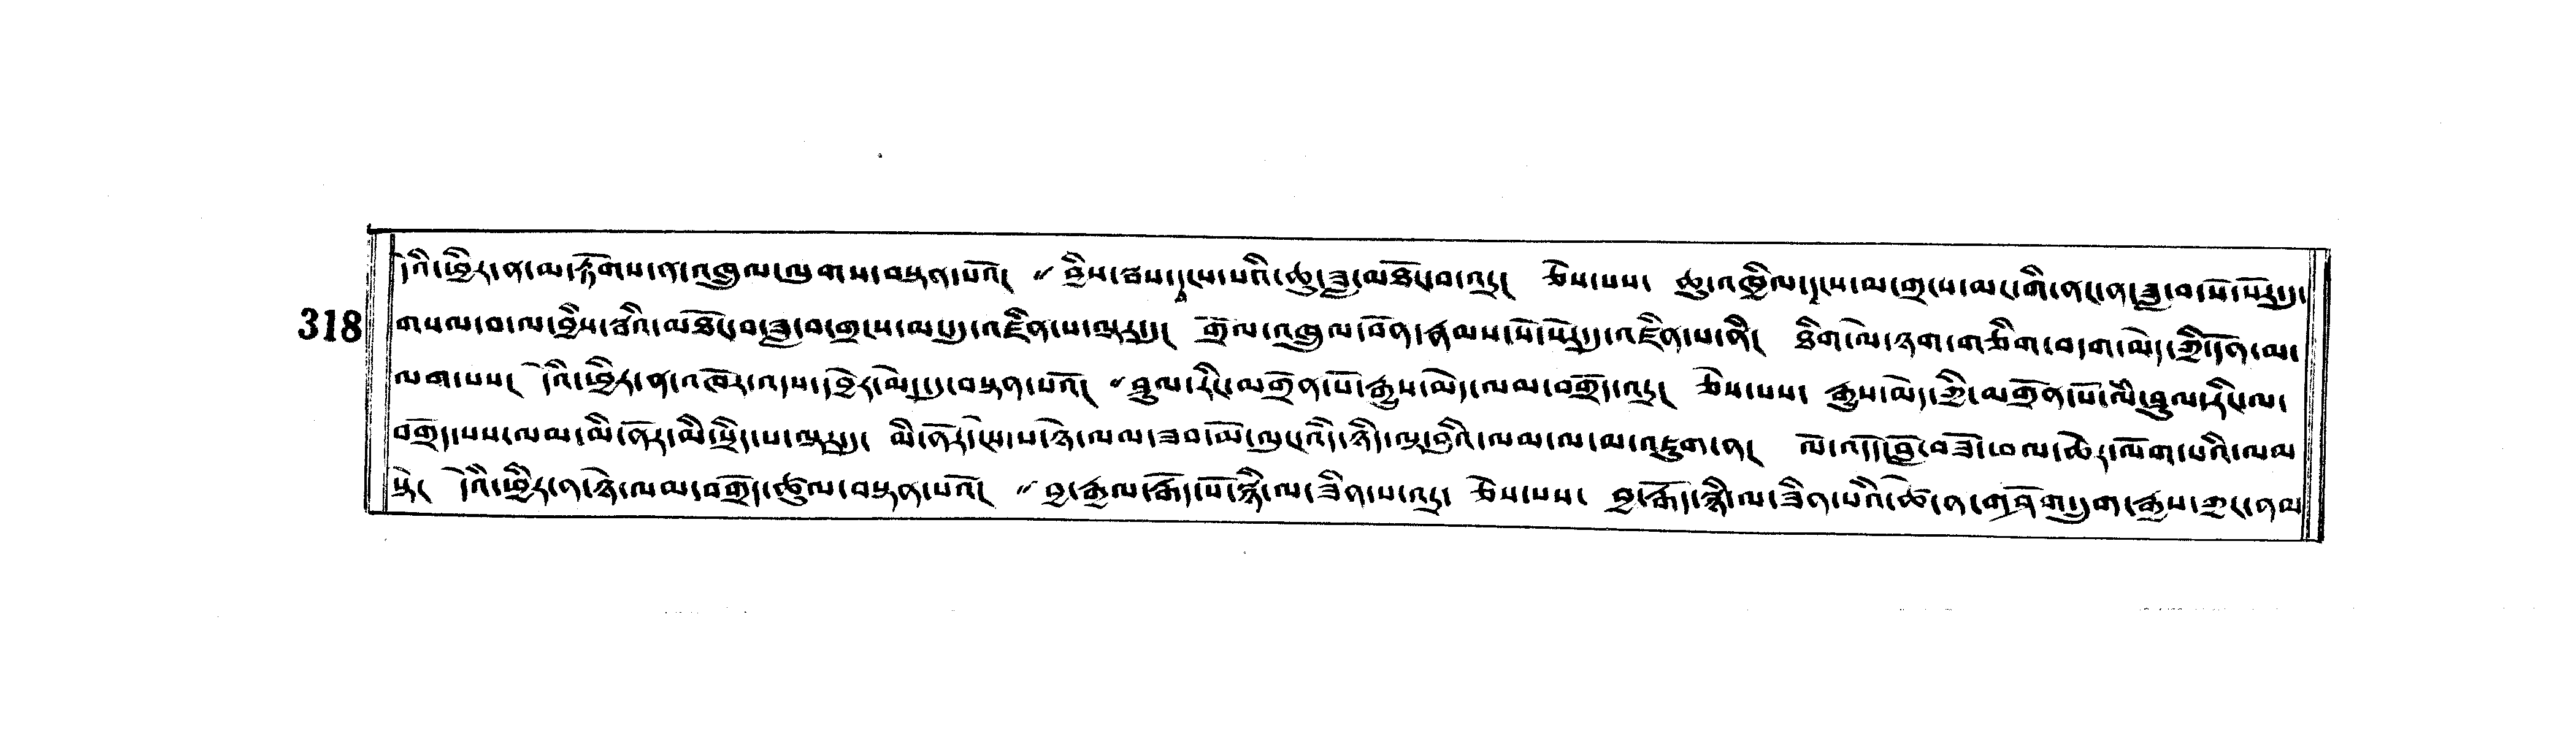དེའི་ཕྱིར་ན་མ་རྟོགས་ན་འཁྲུལ་ལུགས་བསྟན་པའོ། ༧ བྱིས་སྦས་དྭངས་པའི་ཆུ་ཟླ་མཐོང་བ་འདྲ། ཅེས་པས། ཆུ་འཁྱིལ་དངས་མ་གྲངས་མང་གི་ནང་ལ། ཟླ་བ་སོ་སོར་དུ་
གསལ་བ་ལ། བྱིས་སྦའི་མཐོང་བ་ཟླ་བ་གྲངས་མང་དུ་འཛིན་པ་ལྟར་དུ། གྲོལ་འཁྲུལ་བོན་རྣམས་སོ་སོར་དུ་འཛིན་པ་ནི། ཐིག་ལེ་ཉག་ཅིག་བདག་མེད་ཀྱི་དོན་མ་
ལགས་པས། དེའི་ཕྱིར་ན་འཁོར་འདས་དབྱེར་མེད་ཀྱི་དོན་བསྟན་པའོ། ཤུལ་རིང་མགྲོན་པོ་རྒྱུས་མེད་ལམ་བགྲོད་འདྲ། ཅེས་པས། རྒྱུས་མེད་ཀྱི་མགྲོན་པོ་ལམ་ཤུལ་རིང་ལ་
བགྲོད་པས་ལམ་མི་ནོར་མི་སྲིད་པ་ལྟར་དུ། མི་ནོར་ངེས་པ་ཉེ་རིང་ཟབ་མོ་མི་ནོར་ངེས་པ་ཉེ་ལམ་ཟབ་མོ་ལུང་འདི་ཉིད་ལྟ་བུའི་ལམ་ལ་མ་འཇུག་ན། ལོ་འདོད་བློ་བཟོ་ཕལ་ཆེར་ལོག་པའི་ལམ་
སྟེ། དེའི་ཕྱིར་ན་ཉེ་ལམ་བགྲོད་ཚུལ་བསྟན་པའོ། ༧ བྱ་རྒྱལ་རྒོད་པོ་རྙི་ལ་ཟིན་པ་འདྲ། ཅེས་པས། བྱ་རྒོད་སྙི་ལ་ཟིན་པའི་ཚེ་ན་གཤོག་དྲུག་རྒྱས་ཀྱང་ནམ་